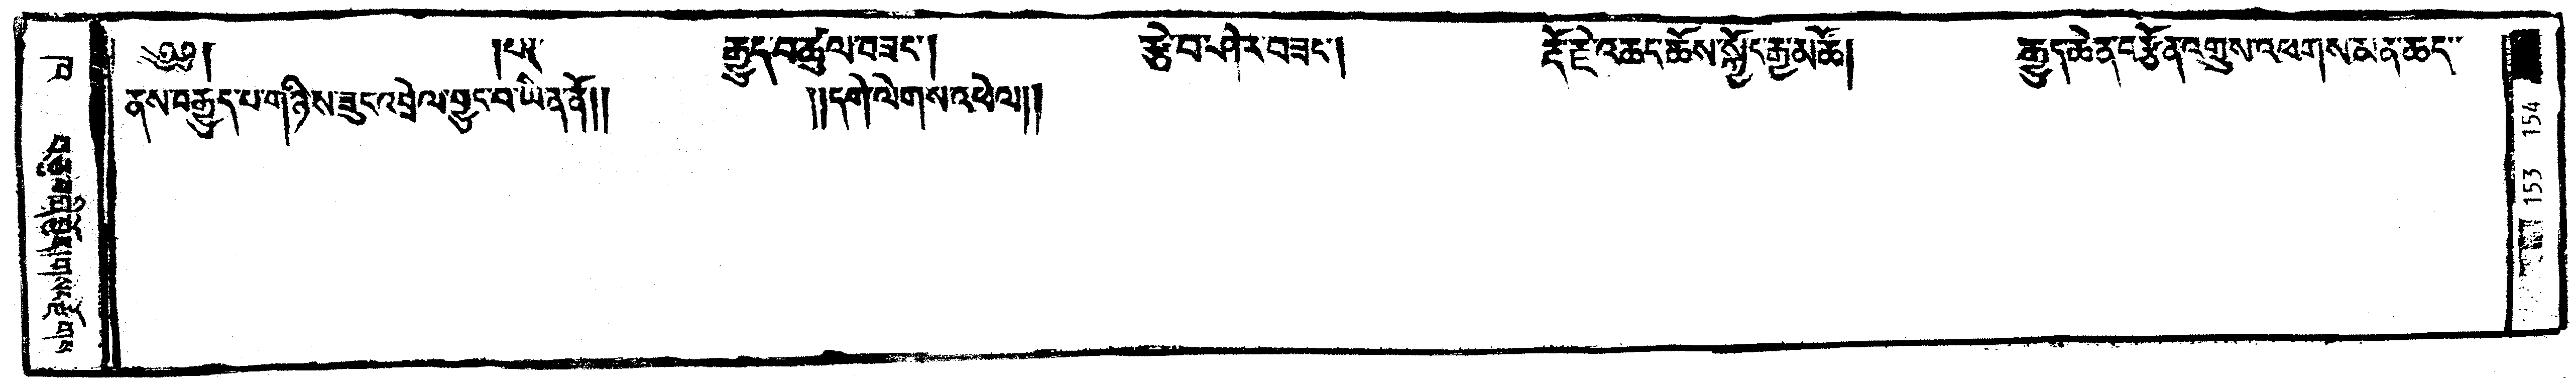༄༅། །པར་རྒྱུད་བ་ཚུལ་བཟང་། རྩེ་བ་ཤེར་བཟང་། རྡོ་རྗེ་འཆང་ཆོས་སྐྱོང་རྒྱ་མཚོ། རྒྱུད་ཆེན་བརྩོན་འགྲུས་འཕགས་མན་ཆད་
ནས་བརྒྱུད་པ་གཉིས་ཟུང་འབྲེལ་བྱུང་བ་ཡིན་ནོ།། །།དགེ་ལེགས་འཕེལ།།